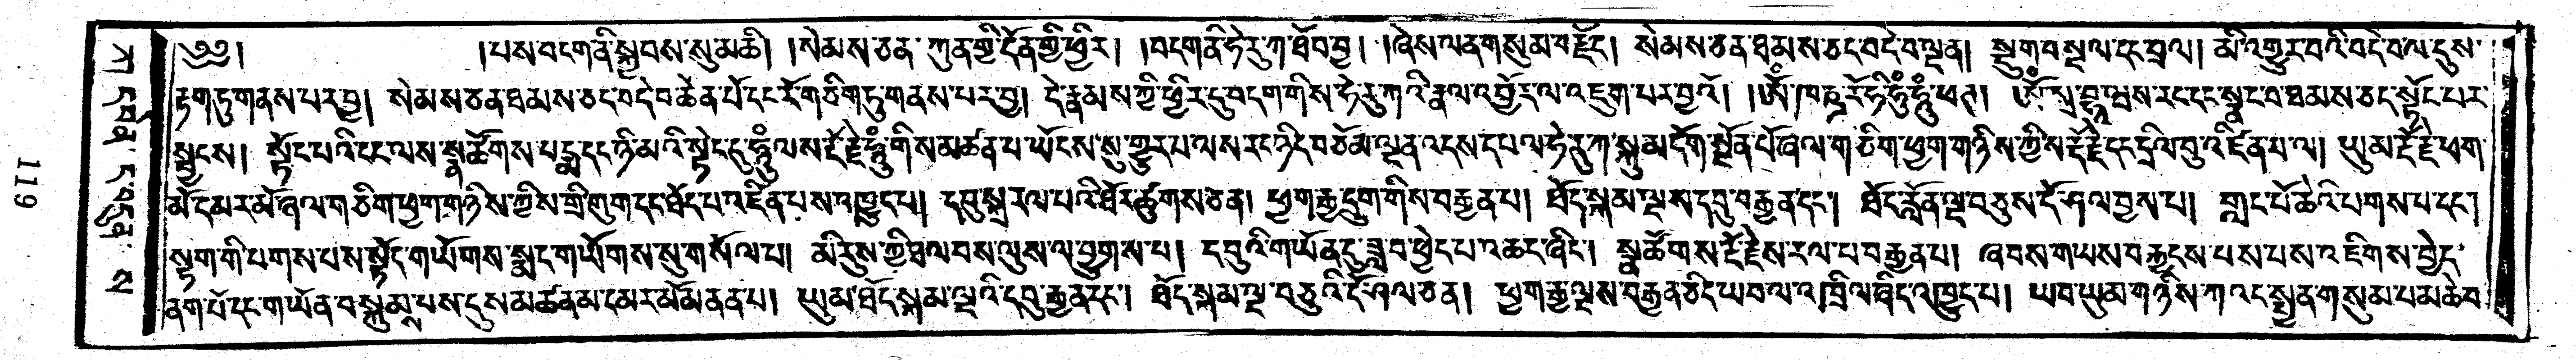༄༅། །པས་བདག་ནི་སྐྱབས་སུ་མཆི། །སེམས་ཅན་ཀུན་གྱི་དོན་གྱི་ཕྱིར། །བདག་ནི་ཧེ་རུ་ཀ་ཐོབ་བྱ། །ཞེས་ལན་གསུམ་བརྗོད། སེམས་ཅན་ཐམས་ཅད་བདེ་བ་ལྡན། སྡུག་བསྔལ་དང་བྲལ། མི་འགྱུར་བའི་བདེ་བ་ལ་དུས་
རྟག་ཏུ་གནས་པར་བྱ། སེམས་ཅན་ཐམས་ཅད་བདེ་བ་ཆེན་པོ་དང་རོ་གཅིག་ཏུ་གནས་པར་བྱ། དེ་རྣམས་ཀྱི་ཕྱིར་དུ་བདག་གིས་ཧེ་རུ་ཀའི་རྣལ་འབྱོར་ལ་འཇུག་པར་བྱའོ། །ཨོཾ་ཁཎྜ་རོ་ཧི་ཧུཾ་ཧཱུཾ་ཕཊ། ཨོཾ་སྭ་བྷཱ་ཝས་རང་དང་སྣང་བ་ཐམས་ཅད་སྟོང་པར་
སྦྱངས། སྟོང་པའི་དང་ལས་སྣ་ཚོགས་པདམ་དང་ཉི་མའི་སྟེང་དུ་ཧཱུཾ་ལས་རྡོ་རྗེ་ཧཱུཾ་གིས་མཚན་པ་ཡོངས་སུ་གྱུར་པ་ལས་རང་ཉིད་བཅོམ་ལྡན་འདས་དཔལ་ཧེ་རུ་ཀ་སྐུ་མདོག་སྔོན་པོ་ཞལ་གཅིག་ཕྱག་གཉིས་ཀྱིས་རྡོ་རྗེ་དང་དྲིལ་བུ་འཛིན་པ་ལ། ཡུམ་རྡོ་རྗེ་ཕག་
མོ་དམར་མོ་ཞལ་གཅིག་ཕྱག་གཉིས་ཀྱིས་གྲི་གུག་དང་ཐོད་པ་འཛིན་པས་འཁྱུང་པ། དབུ་སྐྲ་རལ་པའི་ཐོར་ཚུགས་ཅན། ཕྱག་རྒྱ་དྲུག་གིས་བརྒྱན་པ། ཐོད་སྐམ་ལྔས་དབུ་བརྒྱན་དང་། ཐོང་རློན་ལྔ་བཅུས་དོ་ཤལ་བྱས་པ། གླང་པོ་ཆེའི་པགས་པ་དང་།
སྟག་གི་པགས་པས་སྟོད་གཡོགས་སྨང་གཡོགས་སུ་གསོལ་པ། མི་རུས་ཀྱི་ཐལ་བས་ལུས་ལ་བྱུགས་པ། དབུའི་གཡོན་དུ་ཟླ་བ་ཕྱེད་པ་འཆང་ཞིང་། སྣ་ཚོགས་རྡོ་རྗེས་རལ་བ་བརྒྱན་པ། ཞབས་གཡས་བརྐྱངས་པས་པས་འཇིགས་བྱེད་
ནག་པོ་དང་གཡོན་བསྐུམས་པས་དུས་མཚན་མ་དམར་མོ་མནན་པ། ཡུམ་ཐོད་སྐམ་ལྔའི་དབུ་རྒྱན་དང་། ཐོད་སྐམ་ལྔ་བཅུའི་དོ་ཤལ་ཅན། ཕྱག་རྒྱ་ལྡས་བརྒྱན་ཅིང་ཡབ་ལ་འཁྲིལ་ཞིང་འཁྱུང་པ། ཡབ་ཡུམ་གཉིས་ཀའང་སྤྱན་གསུམ་པ་མཆེ་བ་